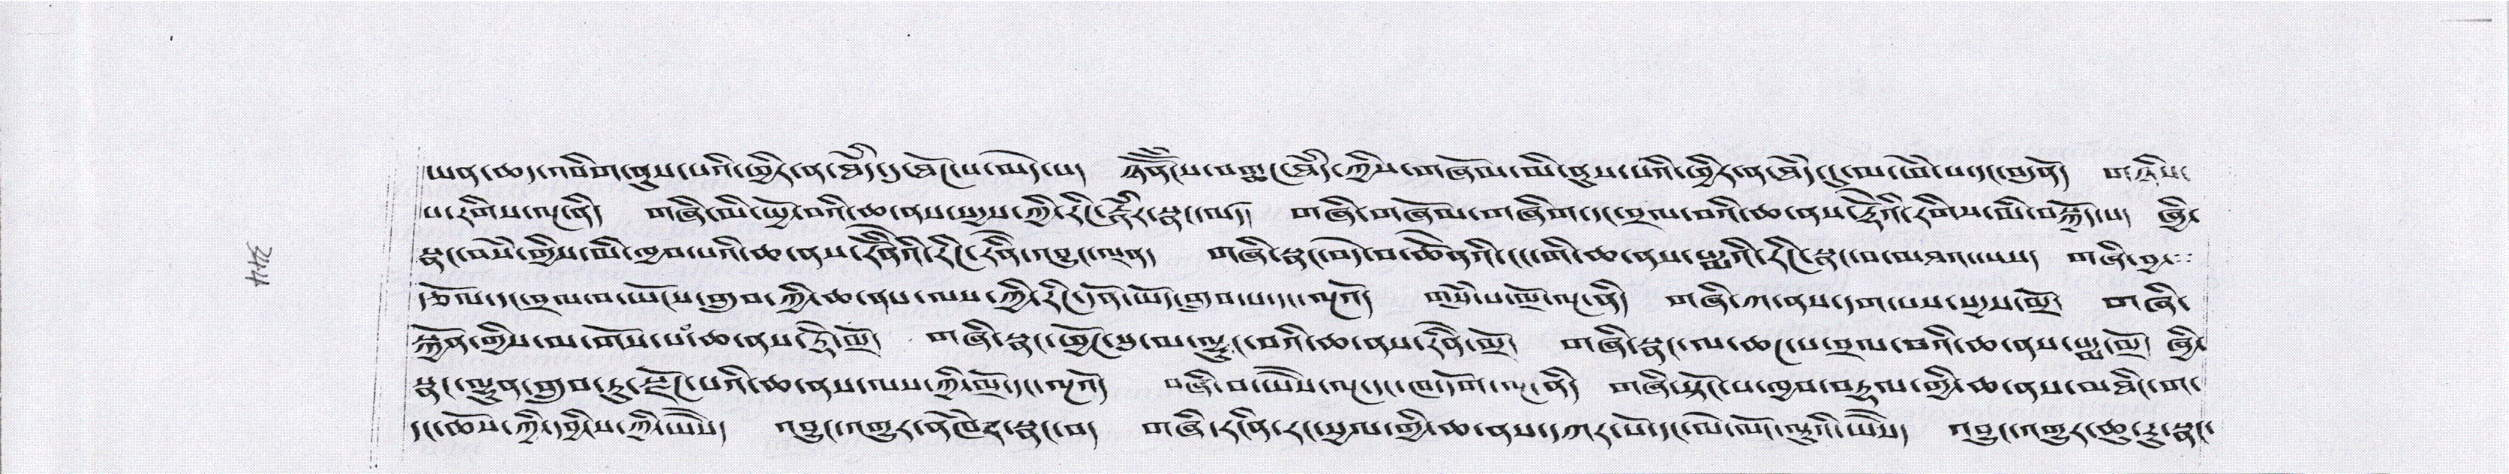ཡན་ཆད་འབིག་ནུས་པའི་ཕྱིར་ན་ཐམས་ཅད་དུ་ཐོགས་པ་མེད་པ། ཉོན་མོངས་བག་ཆགས་ཐམས་ཅད་ཀྱིས་གཞོམ་མི་ནུས་པའི་ཕྱིར་ན་ཐམས་ཅད་དུ་མ་ཕམ་པ་དང་བདུན་ནོ། གཉིས་
པ་རིགས་ལྔ་ནི། གཞི་མི་ཕྱོ་བའི་ཆ་ནས་སངས་རྒྱས་ཀྱི་རིགས་རྣམ་པར་སྣང་མཛད། གཞི་གཞོན་གཞིག་དང་བྲལ་བའི་ཆ་ནས་རྡོ་རྗེའི་རིགས་མི་བསྐྱོད་པ། གཞི་
སྣང་བསམ་གྱིས་མི་ཁྱབ་པའི་ཆ་ནས་རིག་པོ་ཆེའི་རིགས་རིན་ཆེན་འབྱུང་ལྡན། གཞི་སྣང་བདེ་བ་ཆེན་པོའི་ངང་གི་ཆ་ནས་པདྨའི་རིགས་སྣང་བ་མཐའ་ཡས། གཞི་བྱ་
རྩོལ་དང་བྲལ་བ་ཡོངས་གྲུབ་ཀྱི་ཆ་ནས་ལས་ཀྱི་རིགས་དོན་ཡོད་གྲུབ་པ་དང་ལྔའོ། གསུམ་པ་མཁའ་འགྲོ་ལྔ་ནི། གཞི་ཀ་ནས་དག་པས་སངས་རྒྱས་མཁའ་འགྲོ། གཞི་
སྐྱོན་གྱིས་མ་གོས་པས་ཆ་ནས་རྡོ་རྗེ་མཁའ་འགྲོ། གཞི་སྣང་ཕྱོགས་སུ་མ་ལྷུང་བའི་ཆ་ནས་རིན་ཆེན་མཁའ་འགྲོ། གཞི་སྣང་ལ་ཆགས་པ་བྲལ་བའི་ཆ་ནས་པདྨ་མཁའ་འགྲོ། གཞི་
སྣང་ལྷུན་གྲུབ་ཏུ་རྫོགས་པའི་ཆ་ནས་ལས་ཀྱི་མཁའ་འགྲོ་དང་ལྔའོ། བཞི་པ་ཡེ་ཤེས་ལྔ་དང་ཁ་དོག་ལྔ་ནི། གཞི་སྟོང་པ་ཁྱབ་བརྡལ་གྱི་ཆ་ནས་མཐིང་ག་
དང་ཆོས་ཀྱི་དབྱིངས་ཀྱི་ཡེ་ཤེས། འབྱུང་འགྱུར་ནམ་མཁར་སྣང་བ། གཞི་རང་བཞིན་རང་གསལ་གྱི་ཆ ནས་དཀར་པོ་དང་མེ་ལོང་ལྟ་བུའི་ཡེ་ཤེས། འབྱུང་འགྱུར་ཆུ་རུ་སྣང་